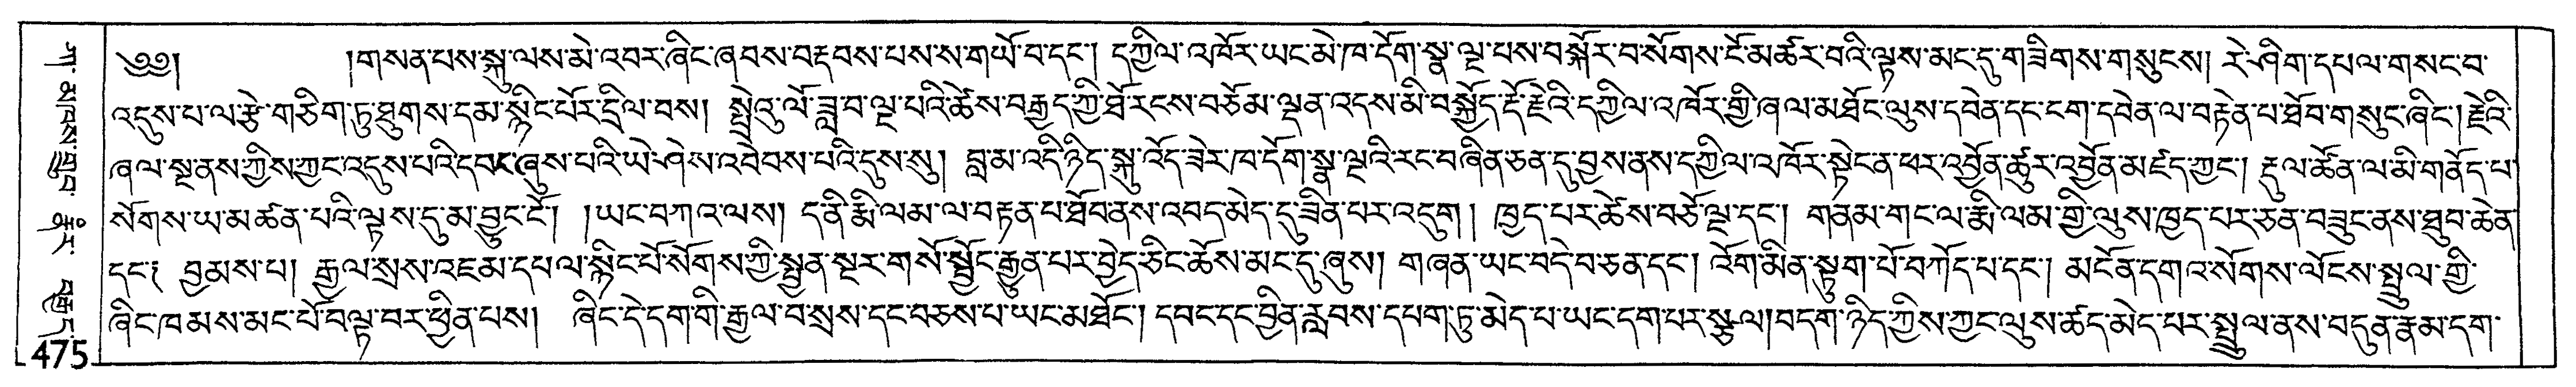༄༅། །གསན་པས་སྐུ་ལས་མེ་འབར་ཞིང་ཞབས་བརྡབས་པས་ས་གཡོ་བ་དང་། དཀྱིལ་འཁོར་ཡང་མེ་ཁ་དོག་སྣ་ལྔ་པས་བསྐོར་བ་སོགས་ངོ་མཚར་བའི་ལྟས་མང་དུ་གཟིགས་གསུངས། རེ་ཤིག་དཔལ་གསང་བ་
འདུས་པ་ལ་རྩེ་གཅིག་ཏུ་ཐུགས་དམ་སྙིང་པོར་དྲིལ་བས། སྤྲེའུ་ལོ་ཟླ་བ་ལྔ་པའི་ཚེས་བརྒྱད་ཀྱི་ཐོ་རངས་བཅོམ་ལྡན་འདས་མི་བསྐྱོད་རྡོ་རྗེའི་དཀྱིལ་འཁོར་གྱི་ཞལ་མཐོང་ལུས་དབེན་དང་ངག་དབེན་ལ་བརྟེན་པ་ཐོབ་གསུང་ཞིང་། རྗེའི་
ཞལ་སྔ་ནས་ཀྱིས་ཀྱང་འདུས་པའི་དབང་ཞུས་པའི་ཡེ་ཤེས་འབེབས་པའི་དུས་སུ། བླ་མ་འདི་ཉིད་སྐུ་འོད་ཟེར་ཁ་དོག་སྣ་ལྔའི་རང་བཞིན་ཅན་དུ་བྱས་ནས་དཀྱིལ་འཁོར་སྟེང་ན་ཕར་འབྱོན་ཚུར་འབྱོན་མཛད་ཀྱག། རྡུལ་ཚོན་ལ་མི་གནོད་པ་
སོགས་ཡ་མཚན་པའི་ལྟས་དུ་མ་བྱུང་ངོ། །ཡང་བཀའ་ལས། ད་ནི་རྨི་ལམ་ལ་བརྟན་པ་ཐོབ་ནས་འབད་མེད་དུ་ཟིན་པར་འདུག །ཁྱད་པར་ཚེས་བཅོ་ལྔ་དང་། གནམ་གང་ལ་རྨི་ལམ་གྱི་ལུས་ཁྱད་པར་ཅན་བཟུང་ནས་ཐུབ་ཆེན་
དང༑ བྱམས་པ། རྒྱལ་སྲས་འཇམ་དཔལ་སྙིང་པོ་སོགས་ཀྱི་སྤྱན་སྔར་གསོ་སྦྱོང་རྒྱུན་པར་བྱེད་ཅིང་ཆོས་མང་དུ་ཞུས། གཞན་ཡང་བདེ་བ་ཅན་དང་། འོག་མིན་སྟུག་པོ་བཀོད་པ་དང་། མངོན་དགའ་སོགས་ལོངས་སྤྲུལ་གྱི་
ཞིང་ཁམས་མང་པོ་བལྟ་བར་ཕྱིན་པས། ཞིང་དེ་དག་གི་རྒྱལ་བ་སྲས་དང་བཅས་པ་ཡང་མཐོང་། དབང་དང་བྱིན་རླབས་དཔག་ཏུ་མེད་པ་ཡང་དག་པར་སྩལ། བདག་ཉིད་ཀྱིས་ཀྱང་ལུས་ཚད་མེད་པར་སྤྲུལ་ནས་བདུན་རྣམ་དག་